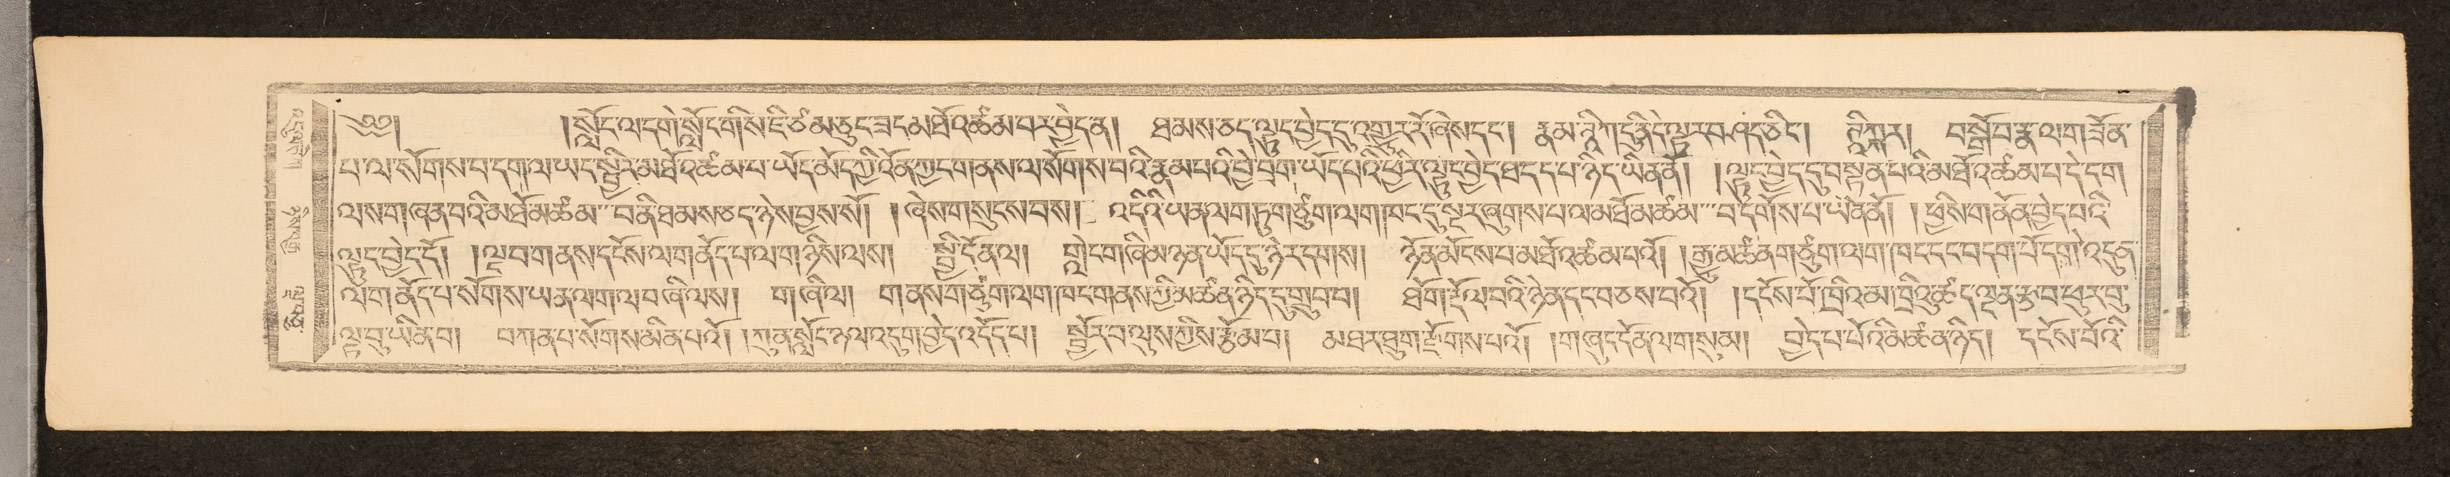༄༅། །སློང་ལ་དགེ་སློང་གིས་ཇི་ཙམ་ཅུང་ཟད་མཐོ་འཚམ་པར་བྱེད་ན། ཐམས་ཅད་ལྟུང་བྱེད་དུ་འགྱུར་རོ་ཞེས་དང་། རྣམ་ཊཱིཀ་ཏུ་ནི་དེ་ལྟར་བཤད་ཅིང་། ཊཱིཀྐར། བསྒོ་བ་རྣལ་གཟོན་
པ་ལ་སོགས་པ་དག་ལ་ཡང་སྤྱིར་མཐོ་འཚམ་པ་ཡོད་མོད་ཀྱི་འོན་ཀྱང་གནས་ལ་སོགས་པའི་རྣམ་པའི་བྱེ་བྲག་ཡོད་པའི་ཕྱིར་ལྟུང་བྱེད་ཐ་དད་པ་ཉིད་ཡིན་ནོ། །ལྟུང་བྱེད་དུ་བསྟན་བའི་མཐོ་འཚམ་པ་དེ་དག་
ལས་གཞན་པའི་མཐོ་མཚམ་པ་ནི་ཐམས་ཅད་ཉེས་བྱས་སོ། །ཞེས་གསུངས་པས། འདིའི་ཡན་ལག་ཏུ་གཙུག་ལག་ཁང་དུ་སྔར་ཞུགས་པ་ལ་མཐོ་མཚས་བ་དགོས་པ་ཡིན་ནོ། །ཕྱིས་གནོན་བྱེད་པའི་
ལྟུང་བྱེད་དོ། །ལྔ་པ་གནས་དངོས་ལ་གནོད་པ་ལ་གཉིས་ལས། སྤྱི་དོན་ལ། གླེང་གཞི་མཉན་ཡོད་དུ་ཉེར་དགས། ཉོན་མོངས་པ་མཐོ་འཚམ་པའོ། །རྒྱུ་མཚན་གཙུག་ལག་ཁང་དང་བདག་པོ་དགེ་འདུན་
ལ་གནོད་པ་སོགས་ཡན་ལག་ལ་བཞི་ལས། གཞི་ལ། གནས་གཙུག་ལག་ཁང་གནས་ཀྱི་མཚན་ཉིད་དུ་གྲུབ་བ། ཐོག་རྡོལ་བའི་ཉེན་དང་བཅས་པའོ། །དངོས་པོ་ཁྲིའམ་ཁྲིའུ་ཚད་ལྡན་རྩ་བ་ཕུར་བུ་
ལྟ་བུ་ཡིན་པ། བཀན་པ་སོགས་མིན་པའོ། །ཀུན་སློང་ཉལ་འདུག་བྱེད་འདོད་པ། སྦྱོར་བ་ལུས་ཀྱིས་རྩོམ་པ། མཐར་ཐག་རྫོགས་པའོ། །གཞུང་དོན་ལ་གསུམ། བྱེད་པ་པོའི་མཚན་ཉིད། དངོས་པོའི་